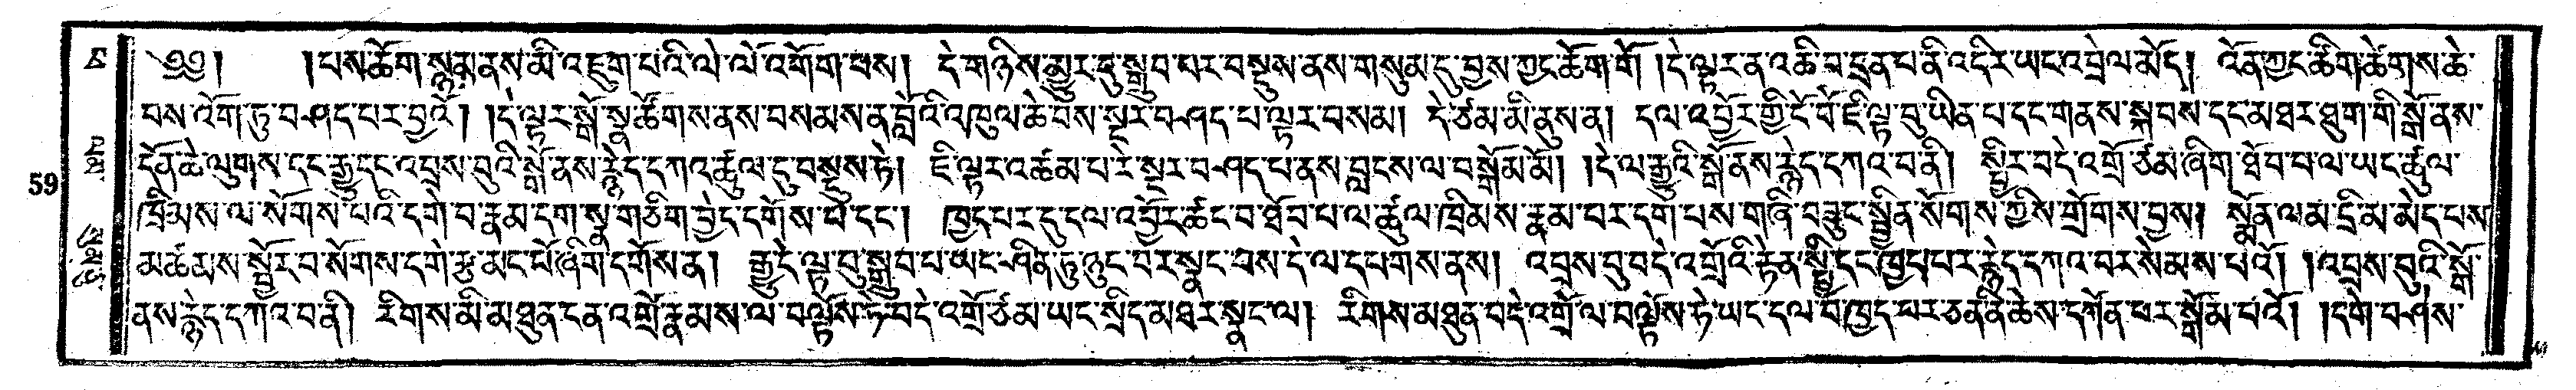༄༅། །པས་ཆོག་སྙམ་ནས་མི་འཇུག་པའི་ལེ་ལོ་འགོག་པས། དེ་གཉིས་མྱུར་དུ་སྒྲུབ་པར་བསྡུས་ནས་གསུམ་དུ་བྱས་ཀྱང་ཆོག་གོ །དེ་ལྟར་ན་འཆི་བ་དྲན་པ་ནི་འདིར་ཡང་འབྲེལ་མོད། འོན་ཀྱང་ཚིག་ཚེགས་ཆེ་
བས་འོག་ཏུ་བཤད་པར་བྱའོ། །དེ་ལྟར་སྒོ་སྣ་ཚོགས་ནས་བསམས་ན་བློའི་འཁུལ་ཆེ་བས་སྔར་བཤད་པ་ལྟར་བསམ། དེ་ཙམ་མི་ནུས་ན། དལ་འབྱོར་གྱི་ངོ་བོ་ཇི་ལྟ་བུ་ཡིན་པ་དང་གནས་སྐབས་དང་མཐར་ཐུག་གི་སྒོ་ནས་
དོན་ཆེ་ལུགས་དང་རྒྱུ་དང་འབྲས་བུའི་སྒོ་ནས་རྙེད་དཀའ་ཚུལ་དུ་བསྡུས་ཏེ། ཇི་ལྟར་འཚམ་པ་རེ་སྔར་བཤད་པ་ནས་བླངས་ལ་བསྒོམ་མོ། །དེ་ལ་རྒྱུའི་སྒོ་ནས་རྙེད་དཀའ་བ་ནི། སྤྱིར་བདེ་འགྲོ་ཙམ་ཞིག་ཐོབ་པ་ལ་ཡང་ཚུལ་
ཁྲིམས་ལ་སོགས་པའི་དགེ་བ་རྣམ་དག་སྣ་གཅིག་བྱེད་དགོས་པ་དང་། ཁྱད་པར་དུ་དལ་འབྱོར་ཚང་བ་ཐོབ་པ་ལ་ཚུལ་ཁྲིམས་རྣམ་པར་དག་པས་གཞི་བཟུང་སྦྱིན་སོགས་ཀྱིས་གྲོགས་བྱས། སྨོན་ལམ་དྲི་མ་མེད་པས་
མཚམས་སྦྱོར་བ་སོགས་དགེ་རྩ་མང་པོ་ཞིག་དགོས་ན། རྒྱུ་དེ་ལྟ་བུ་སྒྲུབ་པ་ཡང་ཤིན་ཏུ་ཉུང་བར་སྣང་བས་དེ་ལ་དཔགས་ནས། འབྲས་བུ་བདེ་འགྲོའི་རྟེན་སྤྱི་དང་ཁྱད་པར་རྙེད་དཀའ་བར་སེམས་པའོ། །འབྲས་བུའི་སྒོ་
ནས་རྙེད་དཀའ་བ་ནི། རིགས་མི་མཐུན་ངན་འགྲོ་རྣམས་ལ་བལྟོས་ཏེ་བདེ་འགྲོ་ཙམ་ཡང་སྲིད་མཐར་སྣང་ལ། རིགས་མཐུན་བདེ་འགྲོ་ལ་བལྟོས་ཏེ་ཡང་དལ་བ་ཁྱད་པར་ཅན་ནི་ཆེས་དཀོན་པར་སྒོམ་པའོ། །དགེ་བཤེས་